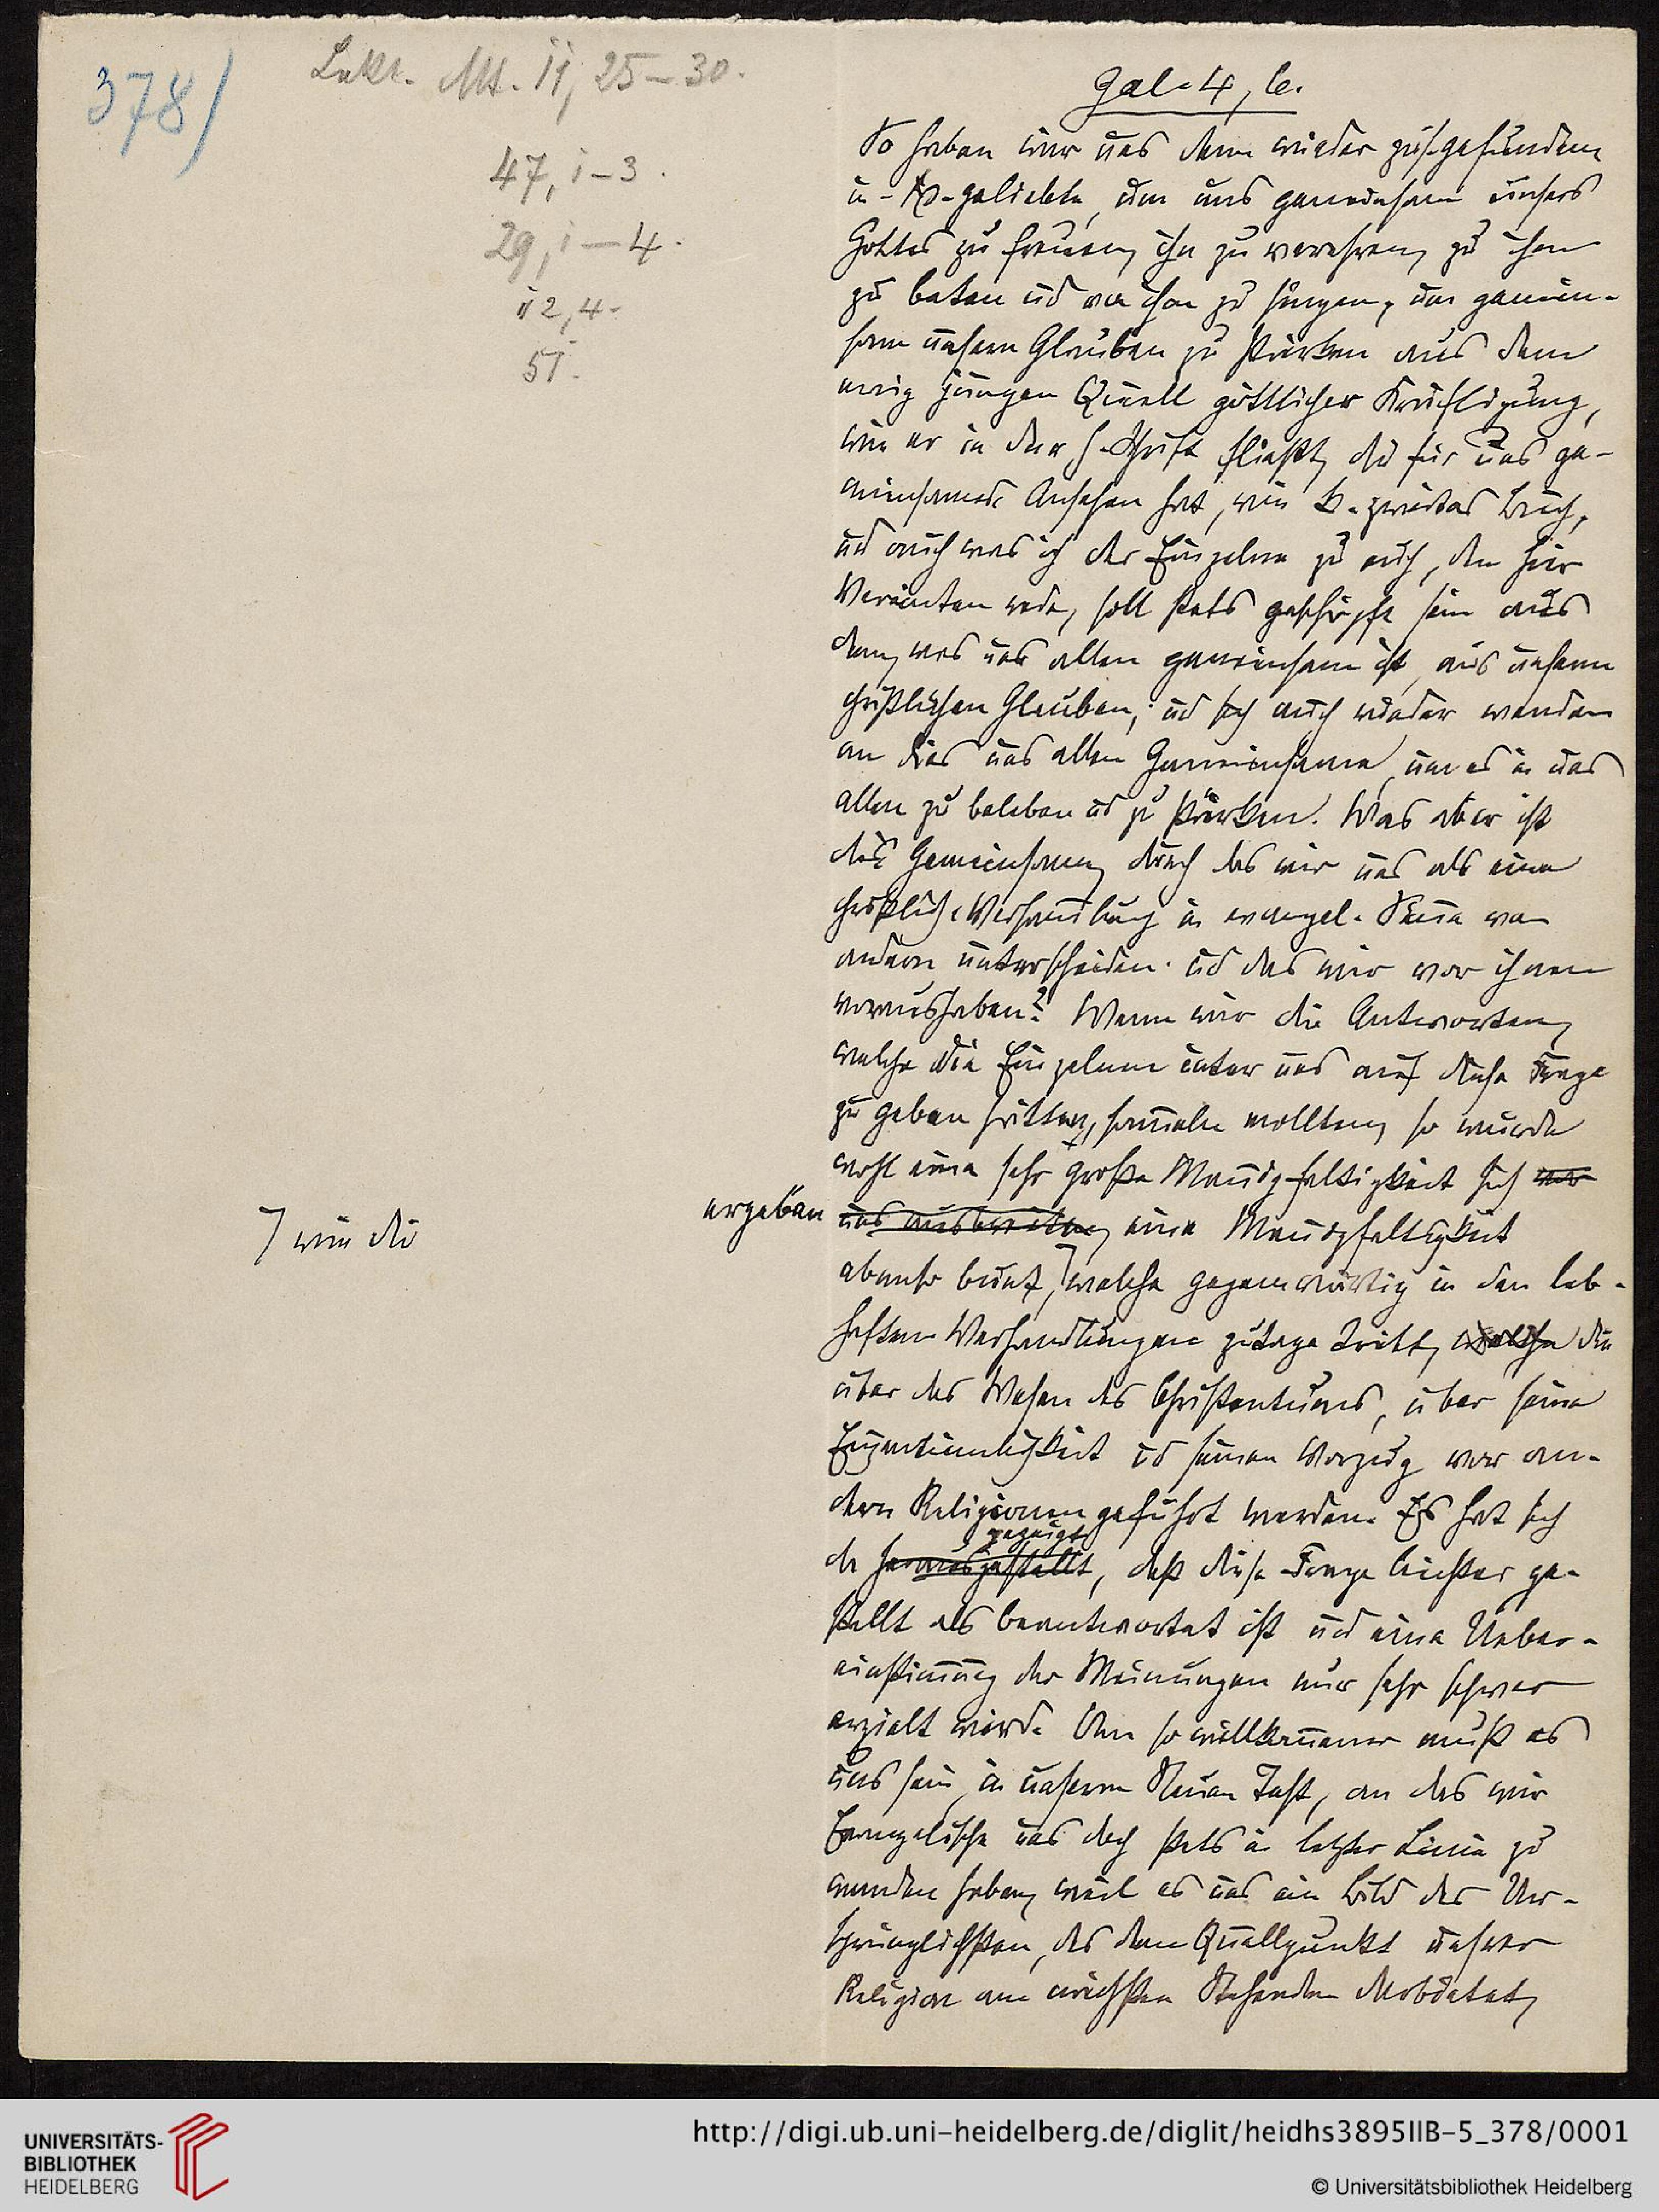oeriitdeid¬
ist lsblub
378
Lect. Mt. 11, 25- 304
47,1-3.
29,1-4.
112,4..
57.
] wie die
Gal. 4,6.
So haben wir und denn wieder zus.gefunden
in Χρ. geliebte, um uns gemeinsam unseres
Gottes zu freuen, ihn zu verehren, zu ihm
zu beten und von ihm zu singen, um gemein¬
sam unsern Glauben zu stärken, aus dem
ewig jungen Quell göttlicher Kräftigung,
wie er in durch Schrift fließt, die für uns ge¬
meinsames Ansehen hat, wie k. zweites Buch
und auch was ich der Einzelne zu euch, den hier
Vereinten rede, soll stets geschöpf sein aus
dem, was uns allen gemeinsam ist, aus unserm
christlichen Glauben, und sich auch wieder wenden
an dies uns allen Gemeinsame, um es in uns
allen zu beleben und zu stärken. Was aber ist
dies Gemeinsame, durch das wir uns als einen
christliche Versamlung in evangel. Sine von
anderen unterscheiden. und das wir vor ihnen
voraushaben? Wenn wir die Antworten,
welche die Einzelnen unter uns auf diese Frage
zu geben hätten, sammeln wollten, so würde
wohl eine sehr großen Manigfaltigkeits sich vor
ergeben
uns ausbreiten, eine Manigfaltigkeite
ebenso bunt, welche gegenwärtig in den leb¬
haften Verhandlungen zutage tritt, welche die
über das Wesen des Christentums, über seine
Eigentümlichkeit und seinen Vorzug vor an¬
dern Religionen geführt werden. Es hat sich
gezeigt
da herausgestellt, daß diese Frage leichter ge¬
stellt als beantwortet ist und eine Ueber¬
einstimung der Meinungen nur sehr schwer
erzielt wird. Um so willkomener muß es
uns sein in unserem Neuen Test, an das wir
Evangelische, uns doch stets in letzter Linie zu
wenden haben, weil es uns ein Bild des Ur¬
sprünglichsten, des den Quellpunkt unsrer
Religion am nächsten Stehenden darbietet,